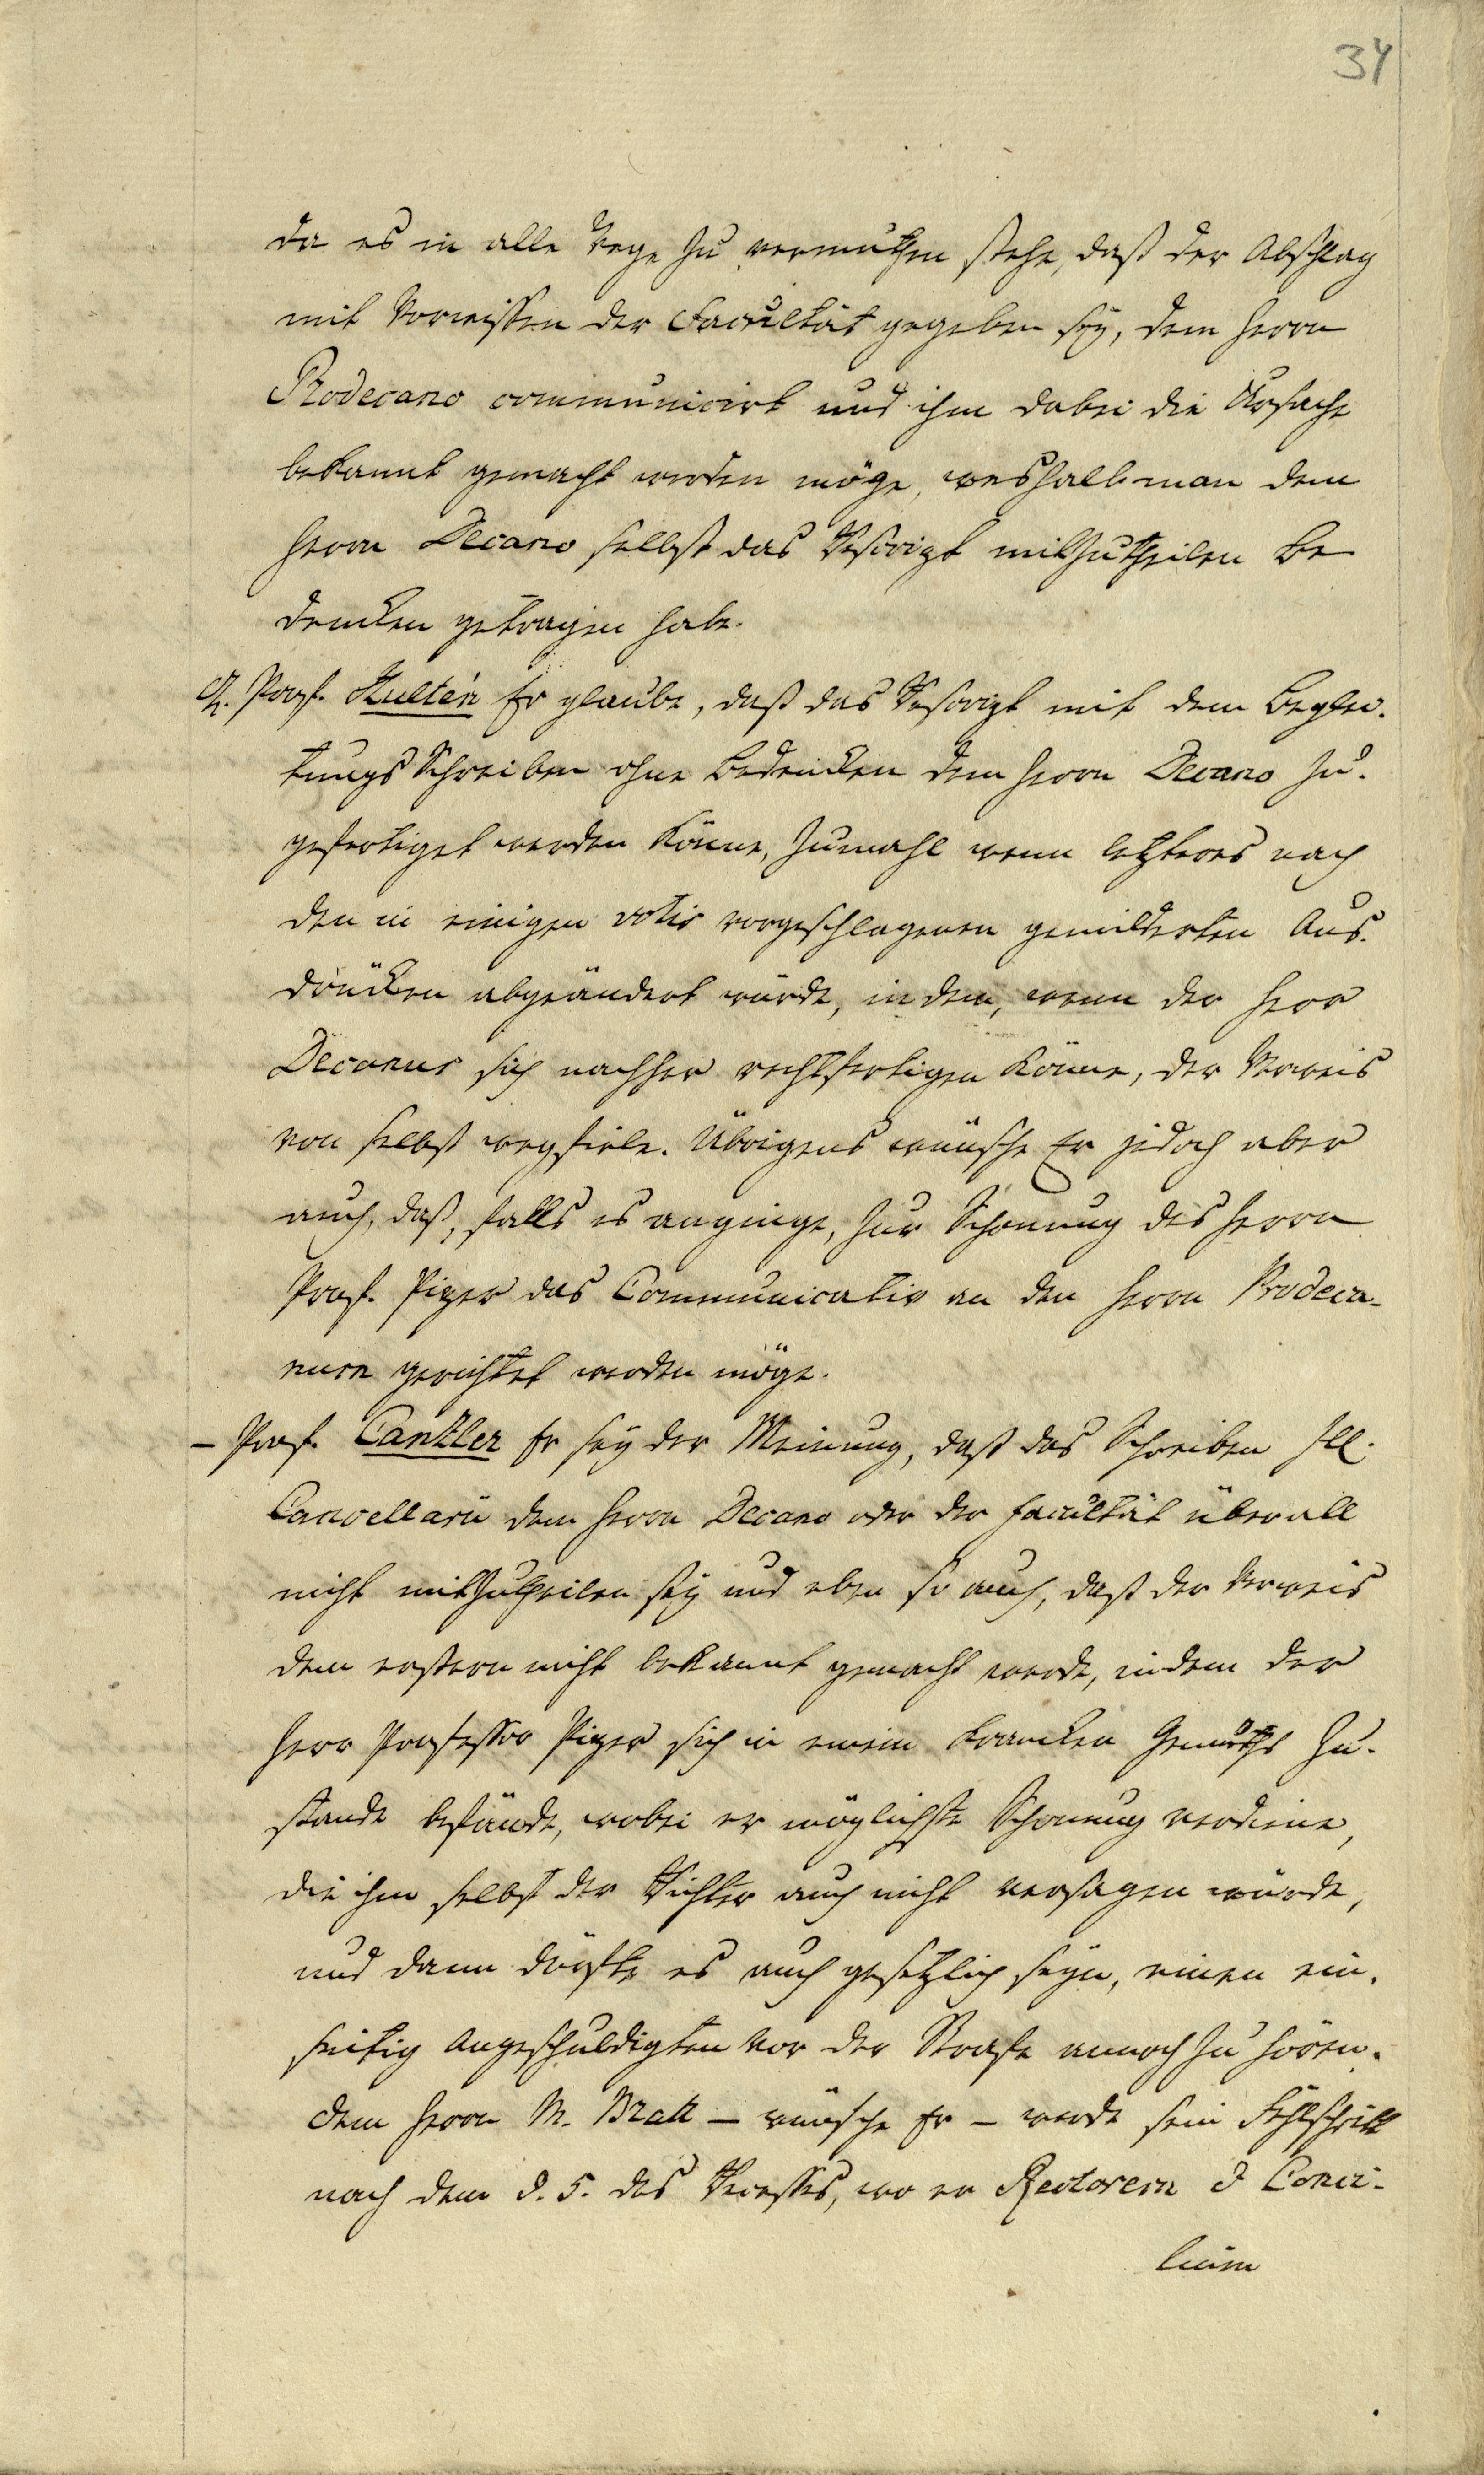da es in alle Wege zu vermuthen stehe, daß der Abschlag
mit Vorwissen der Facultät gegeben seÿ, dem Herrn
Prodecano communicirt und ihm dabei die Ursache
bekannt gemacht werden möge, weshlalb man dem
Herrn Decano selbst das Rescript mitzutheilen Be¬
dencken getragen habe.
dh. Prof. Hultén Er glaube, daß das Rescript mit dem Bestglei¬
tungs Schreiben ohne Bedencken dem Herrn Decano zu¬
gefertiget werden könne, zumahl wenn letzteres nach
den in einigen votis vorgeschlagenen gemilderten Aus¬
drücken abgeändert würde, in dem, wenn der Herr
Decanus sich nachher rechtfertigen könne, der Verweis
von selbst wegfiele. Übrigens wünsche Er jedoch aber
auch, daß, falls es anginge, zur Schonung des Herrn
Prof. Piper das Communicativ an den Herrn Prodeca¬
num gerichtet werden möge.
Prof. Canzler Er seÿ der Meinung, daß das Schreiben Ill.
Cancellarii dem Herrn Decano oder der Facultät überall
nicht mitzutheilen seÿ und eben so auch, daß der Verweis
dem erstern nicht bekannt gemacht werde, indem der
Herr Professor Piper sich in einem krancken Gemüths Zu¬
stande befände, wobei er möglichste Schonung verdiene,
die ihm selbst der Richter auch nicht versagen würde,
und dann dürfte es auch gesetzlich seÿn, einen ein¬
seitig Angeschuldigten vor der Strafe annoch zu hören.
Dem Herrn M. Bratt - wünsche Er - werde sein Fehltritt
nach dem §. 5. des Recesses, wo er Rectorem et Conci¬
lium